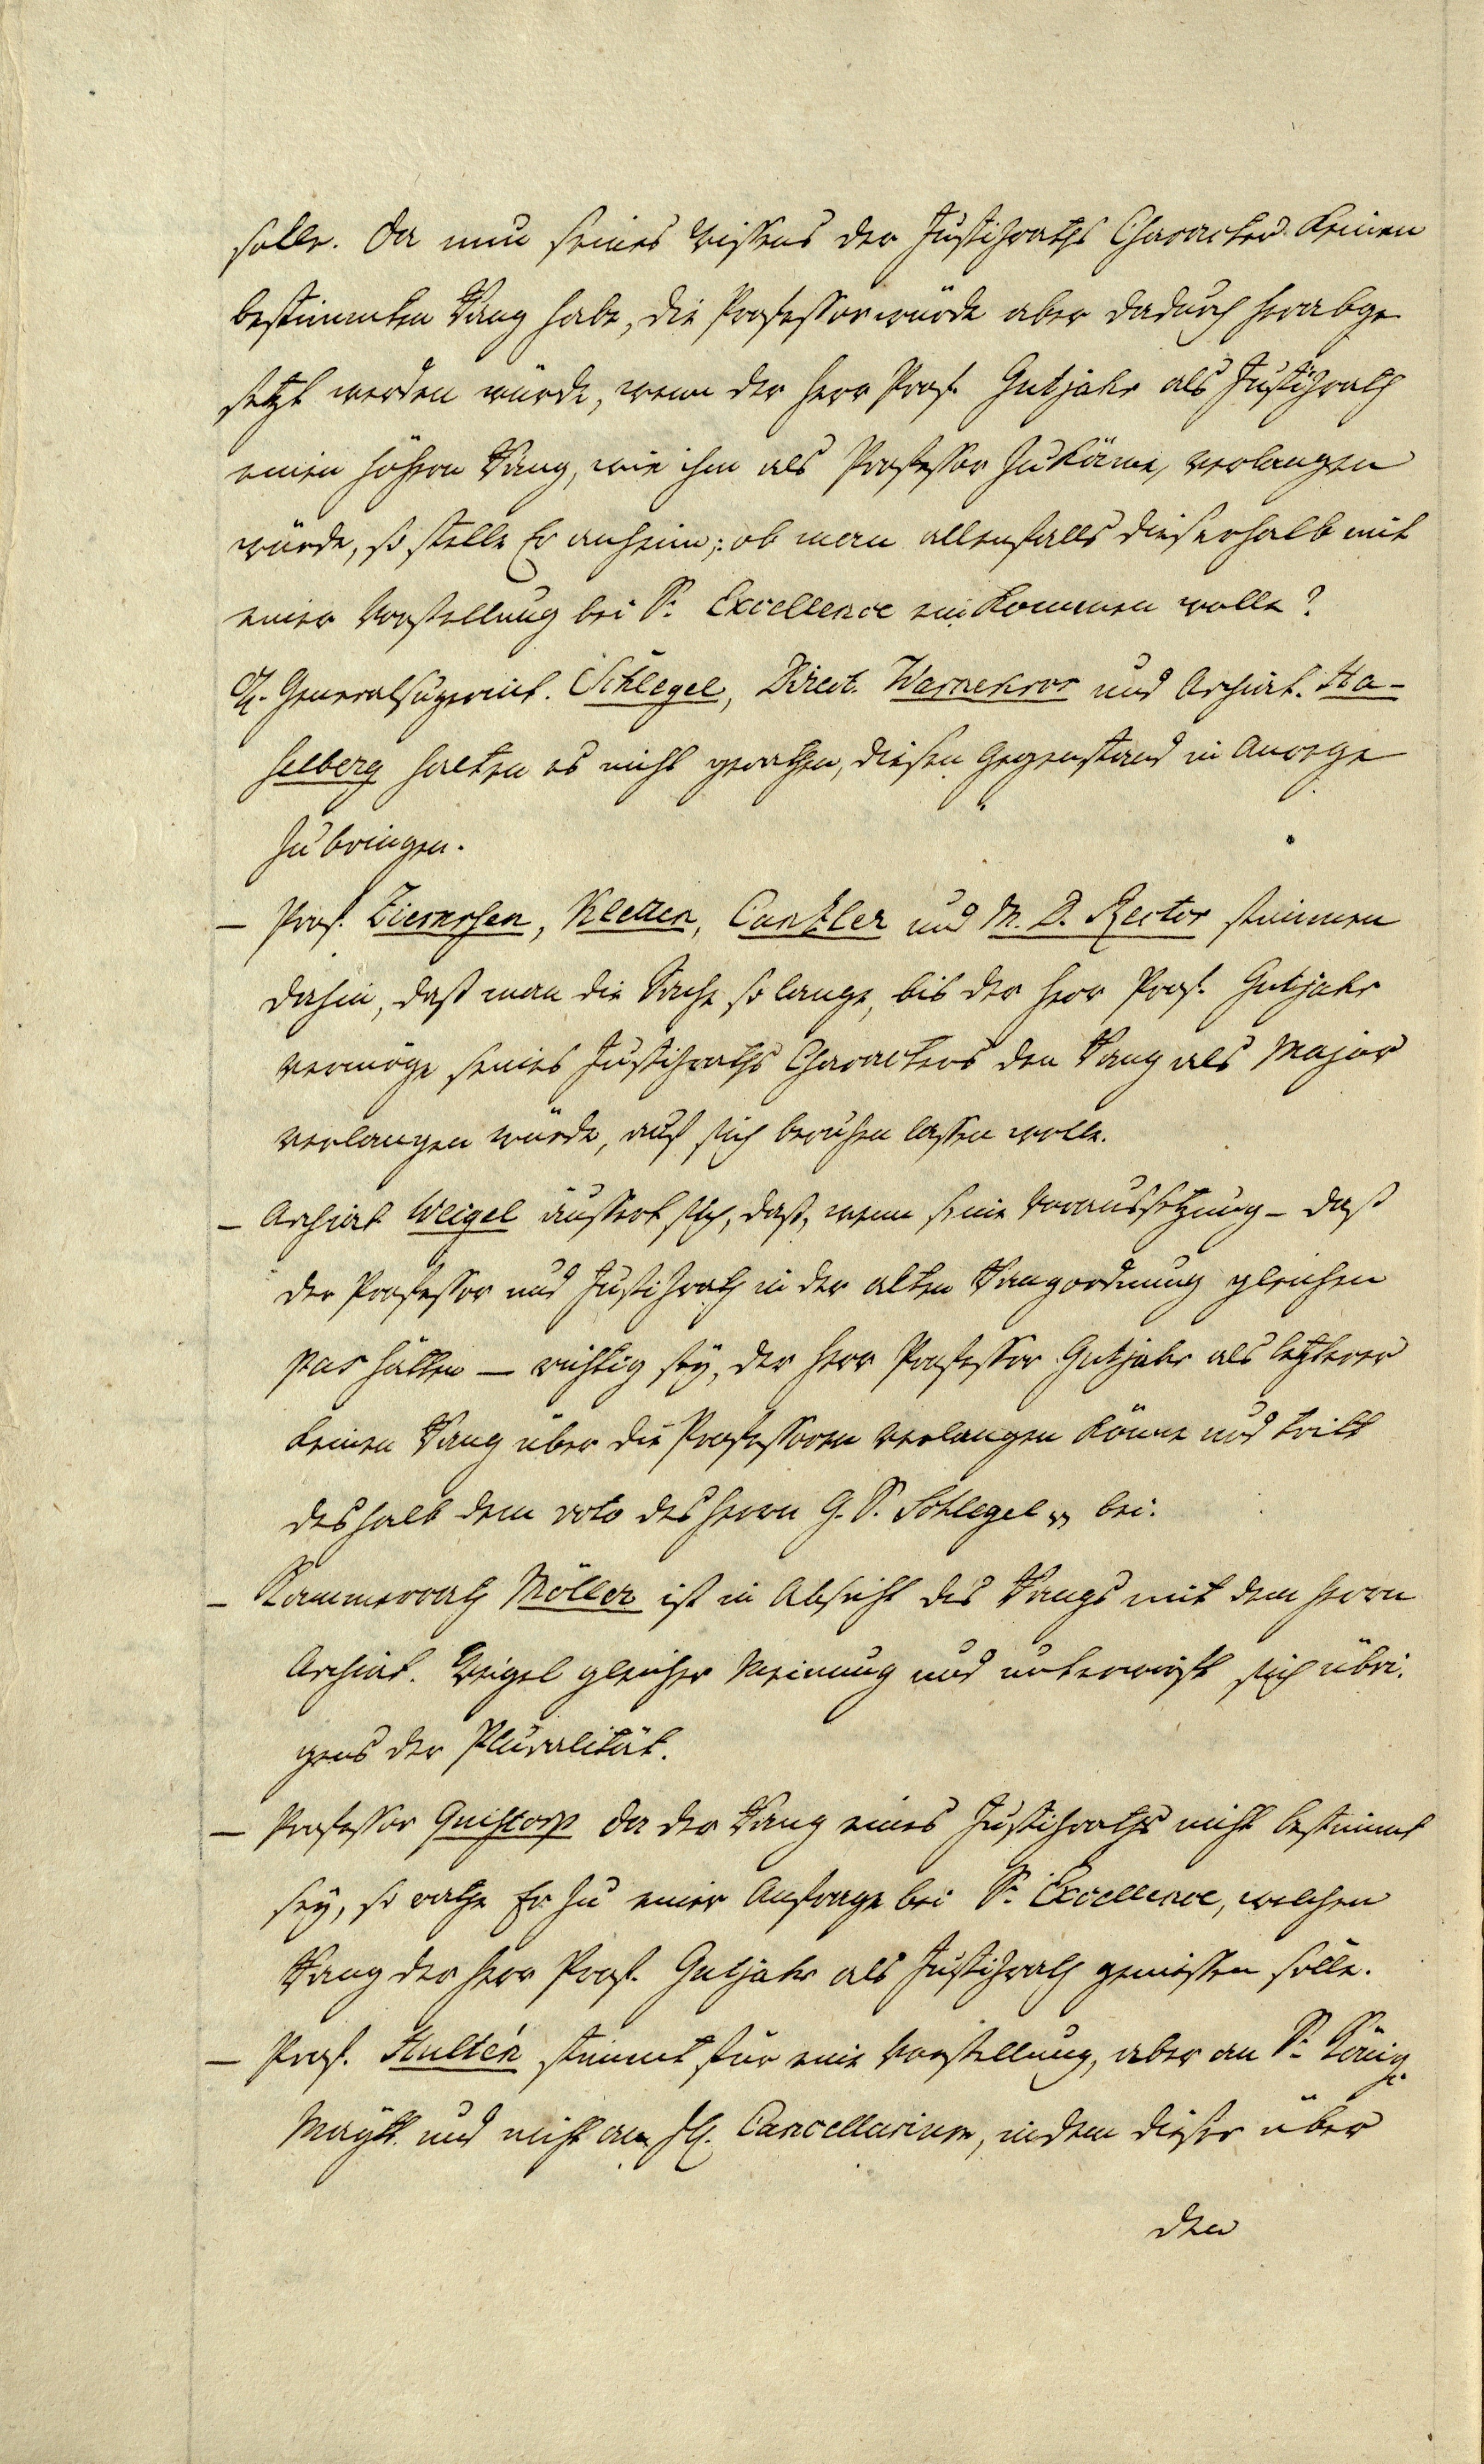solle. Da nun seines Wissens der Justizraths Character keinen
bestimmten Rang habe, die Professorwürde aber dadurch herabge¬
setzt werden würde, wenn der Herr Prof. Gutjahr als Justizrath
einen höhern Rang, wie ihm als Professor zukäme, verlangen
würde, so stelle Er anheim, ob man allenfalls dieserhalb mit
einer Vorstellung bei Sr Excellence einkommen wolle?
dh. Generalsuperint. Schlegel, Direct. Warnekros und Archiat. Ha¬
selberg halten es nicht gerathen, diesen Gegenstand in Anrege
zu bringen.
Prof. Ziemssen, Kletten, Canzler und M. D. Rector stimmen
dahin, daß man die Sache so lange, bis der Herr Prof. Gutjahr
vermöge seines Justizraths Charackters den Rang als Major
verlangen würde, auf sich beruhen lassen wolle.
Archiat. Weigel äussert sich, daß, wenn seine Voraussetzung - daß
der Professor und Justizrath in der alten Rangordnung gleichen
per hätten - richtig seÿ, der Herr Professor Gutjahr als letzterer
keinen Rang über die Professoren verlangen könne und tritt
deshalb dem voto des Herrn G. S. Schlegel bei.
Kammerrath Möller ist in Absicht des Rangs mit dem Herrn
Archiat. Weigel gleicher Meinung und unterwirft sich übri¬
gens der Pluralität.
Professor Quistorp Da der Rang eines Justizraths nicht bestimmt
seÿ, so rathe Er zu einer Anfrage bei Sr. Excellence, welchen
Rang der Herr Prof. Gutjahr als Justizrath geniessen solle.
Prof. Hultén stimmt für eine Vorstellung, aber an Sr. König.
Maÿtt und nicht an Ill. Cancellarium, indem dieser über
den